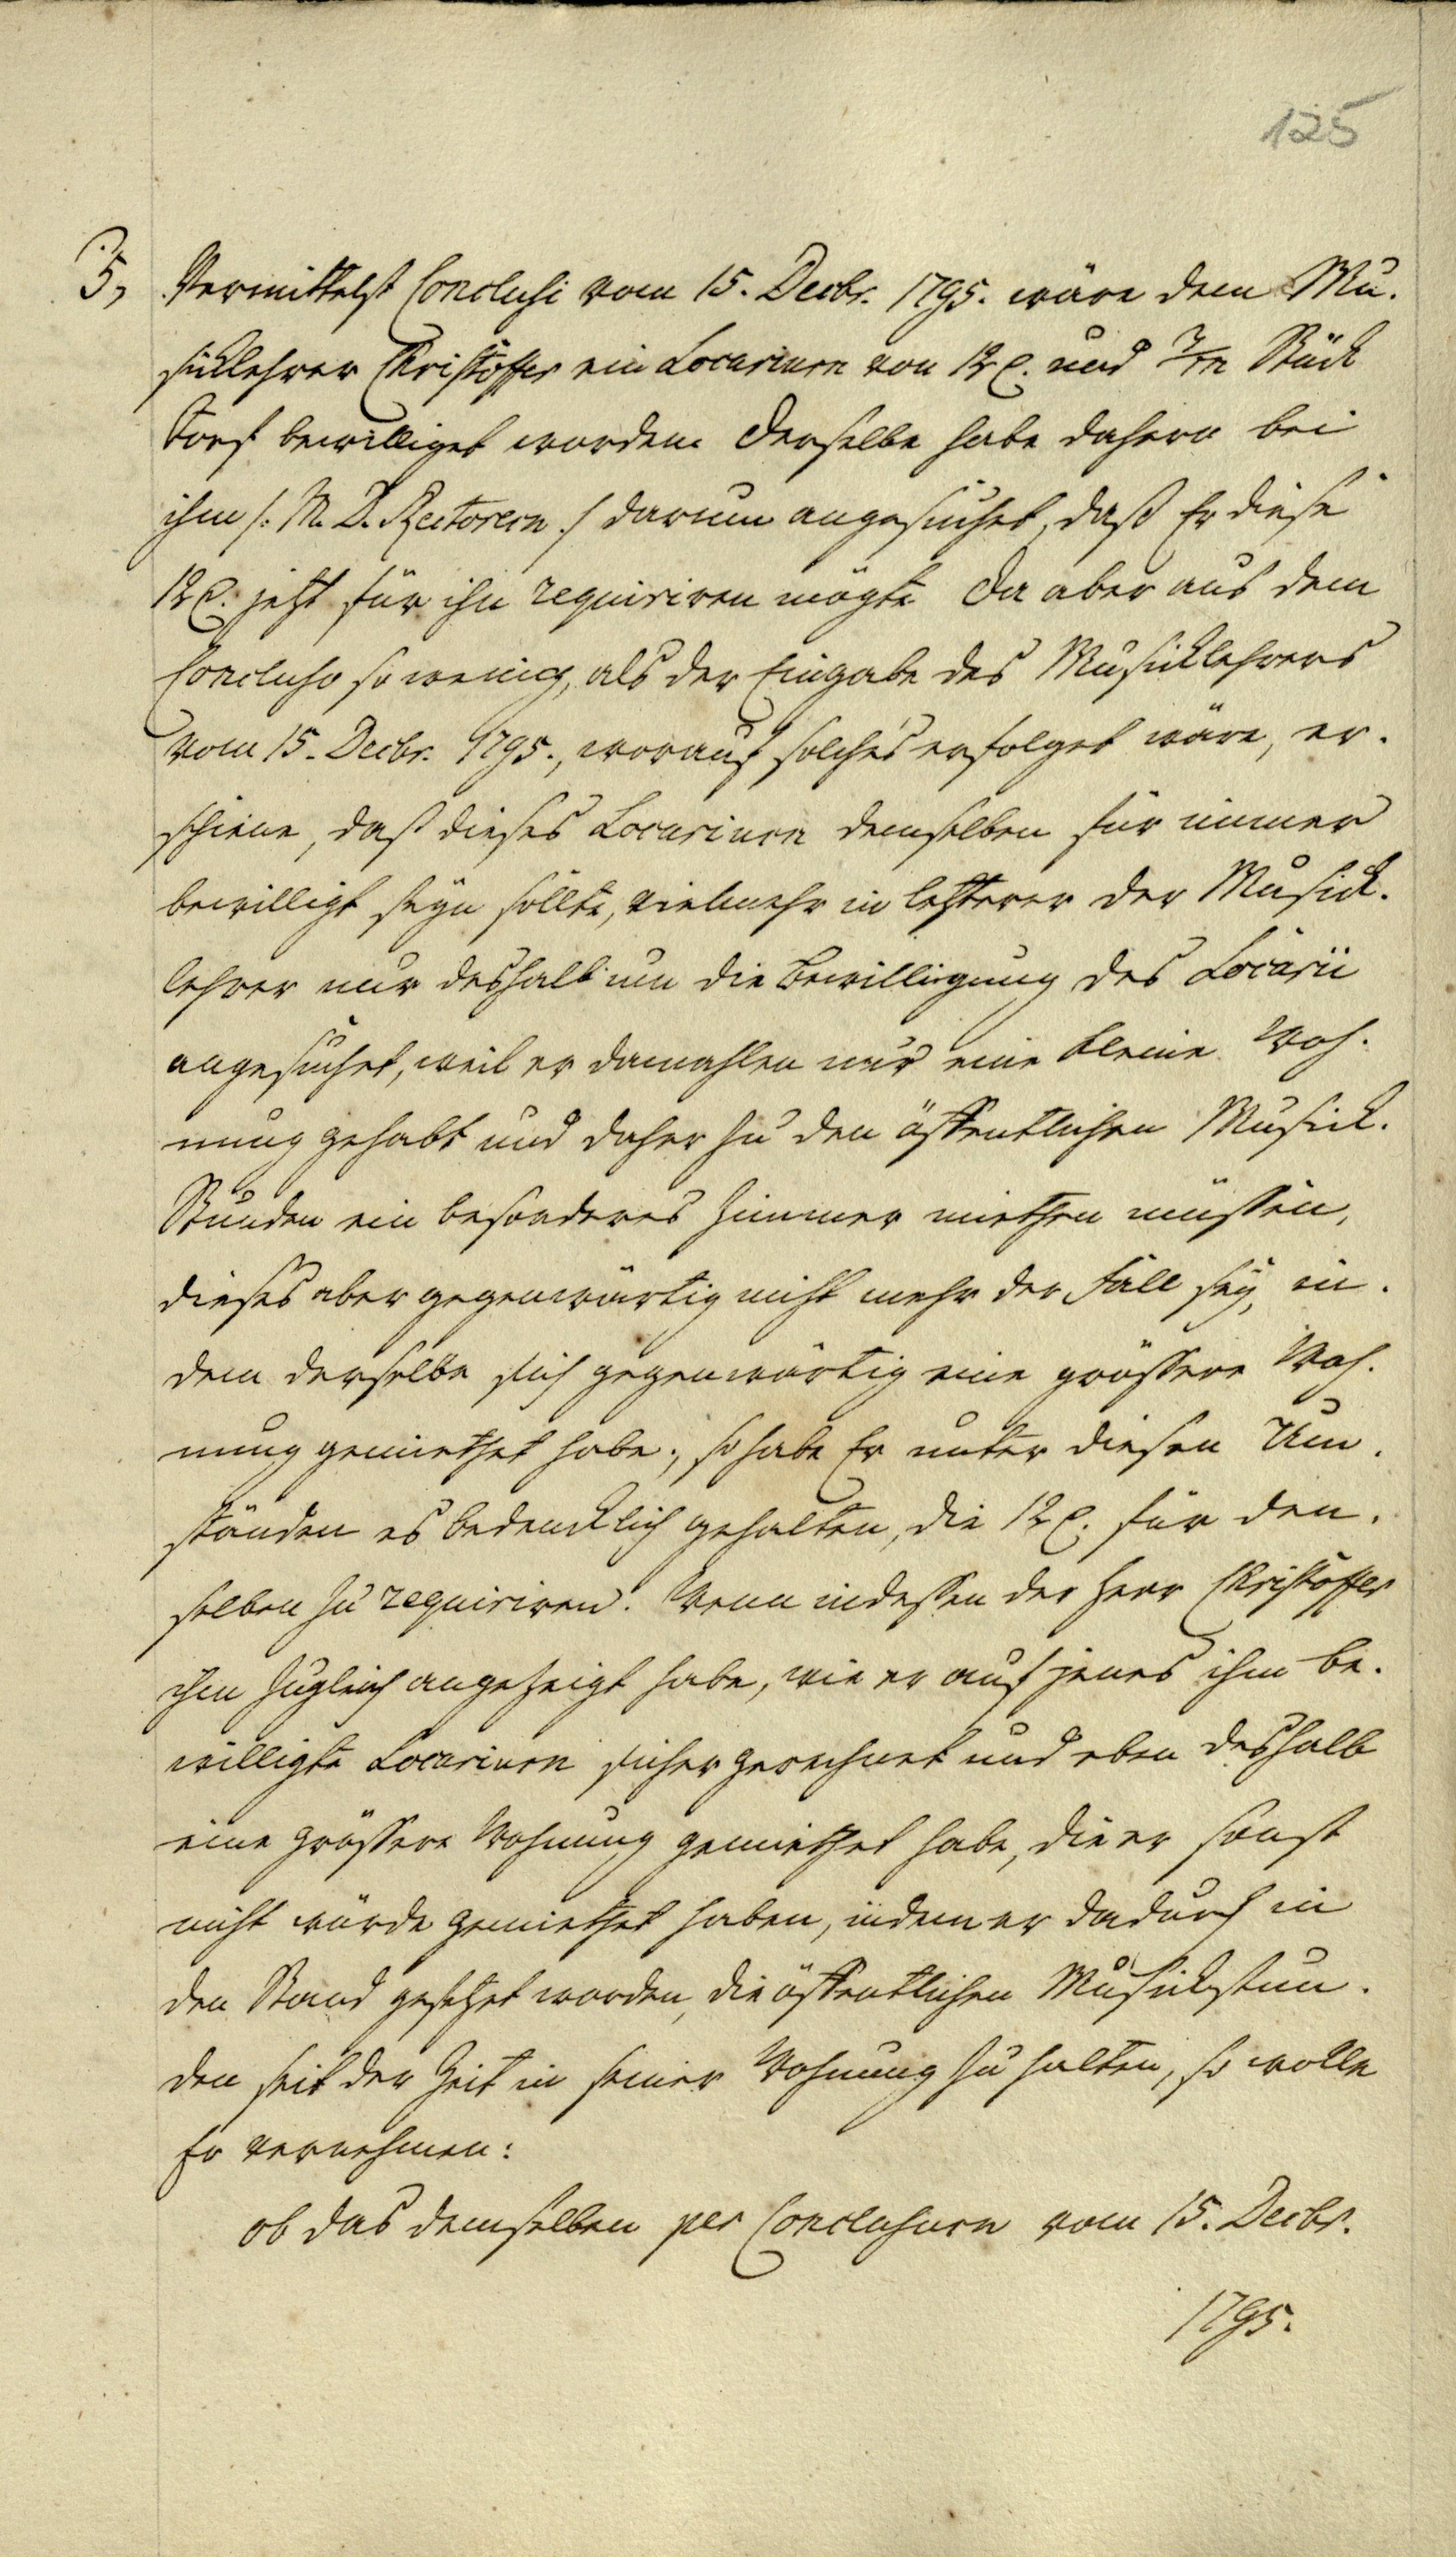5., Vermittelst Conclusi vom 15. Decbr. 1795. wäre dem Mu¬
sicklehrer Christoffer ein Locarium von 12 l. und 3/m Stück
Torf bewilliget worden. Derselbe habe daher bei
ihm /. M. D. Rectorem ./ darum angesuchet, daß Er diese
12 l. jetzt für ihn requiriren mögte. Da aber aus dem
Concluso so wenig, als der Eingabe des Musicklehrers
vom 15. Decbr. 1795., worauf solches erfolget wäre, er¬
schiene, daß dieses Locarium demselben für immer
bewilligt seÿn sollte, vielmehr in letzterer der Musick¬
lehrer nur deshalb um die Bewilligung des Locarii
angesuchet, weil er damahlen nur eine kleine Woh¬
nung gehabt und daher zu den öffentlichen Musick¬
Stunden ein besonderes Zimmer miethen müssen,
dieses aber gegenwärtig nicht mehr der Fall seÿ, in¬
dem derselbe sich gegenwärtig eine grössere Woh¬
nung gemiethet habe; so habe Er unter diesen Um¬
ständen es bedencklich gehalten, die 12 l, für den¬
selben zu requiriren. Wenn indessen der Herr Cristoffer
ihm zugleich angezeigt habe, wie er auf jenes ihm be¬
willigte Locarium sicher gerechnet und eben deshalb
eine grössere Wohnung gemiethet habe, die er sonst
nicht würde gemiethet haben, indem er dadurch in
den Stand gesetzet worden, die öffentlichen Musickstun¬
den seit der Zeit in seiner Wohnung zu halten, so wolle
Er vernehmen:
ob das demselben per Conclusum vom 15. Decbr.
1795.